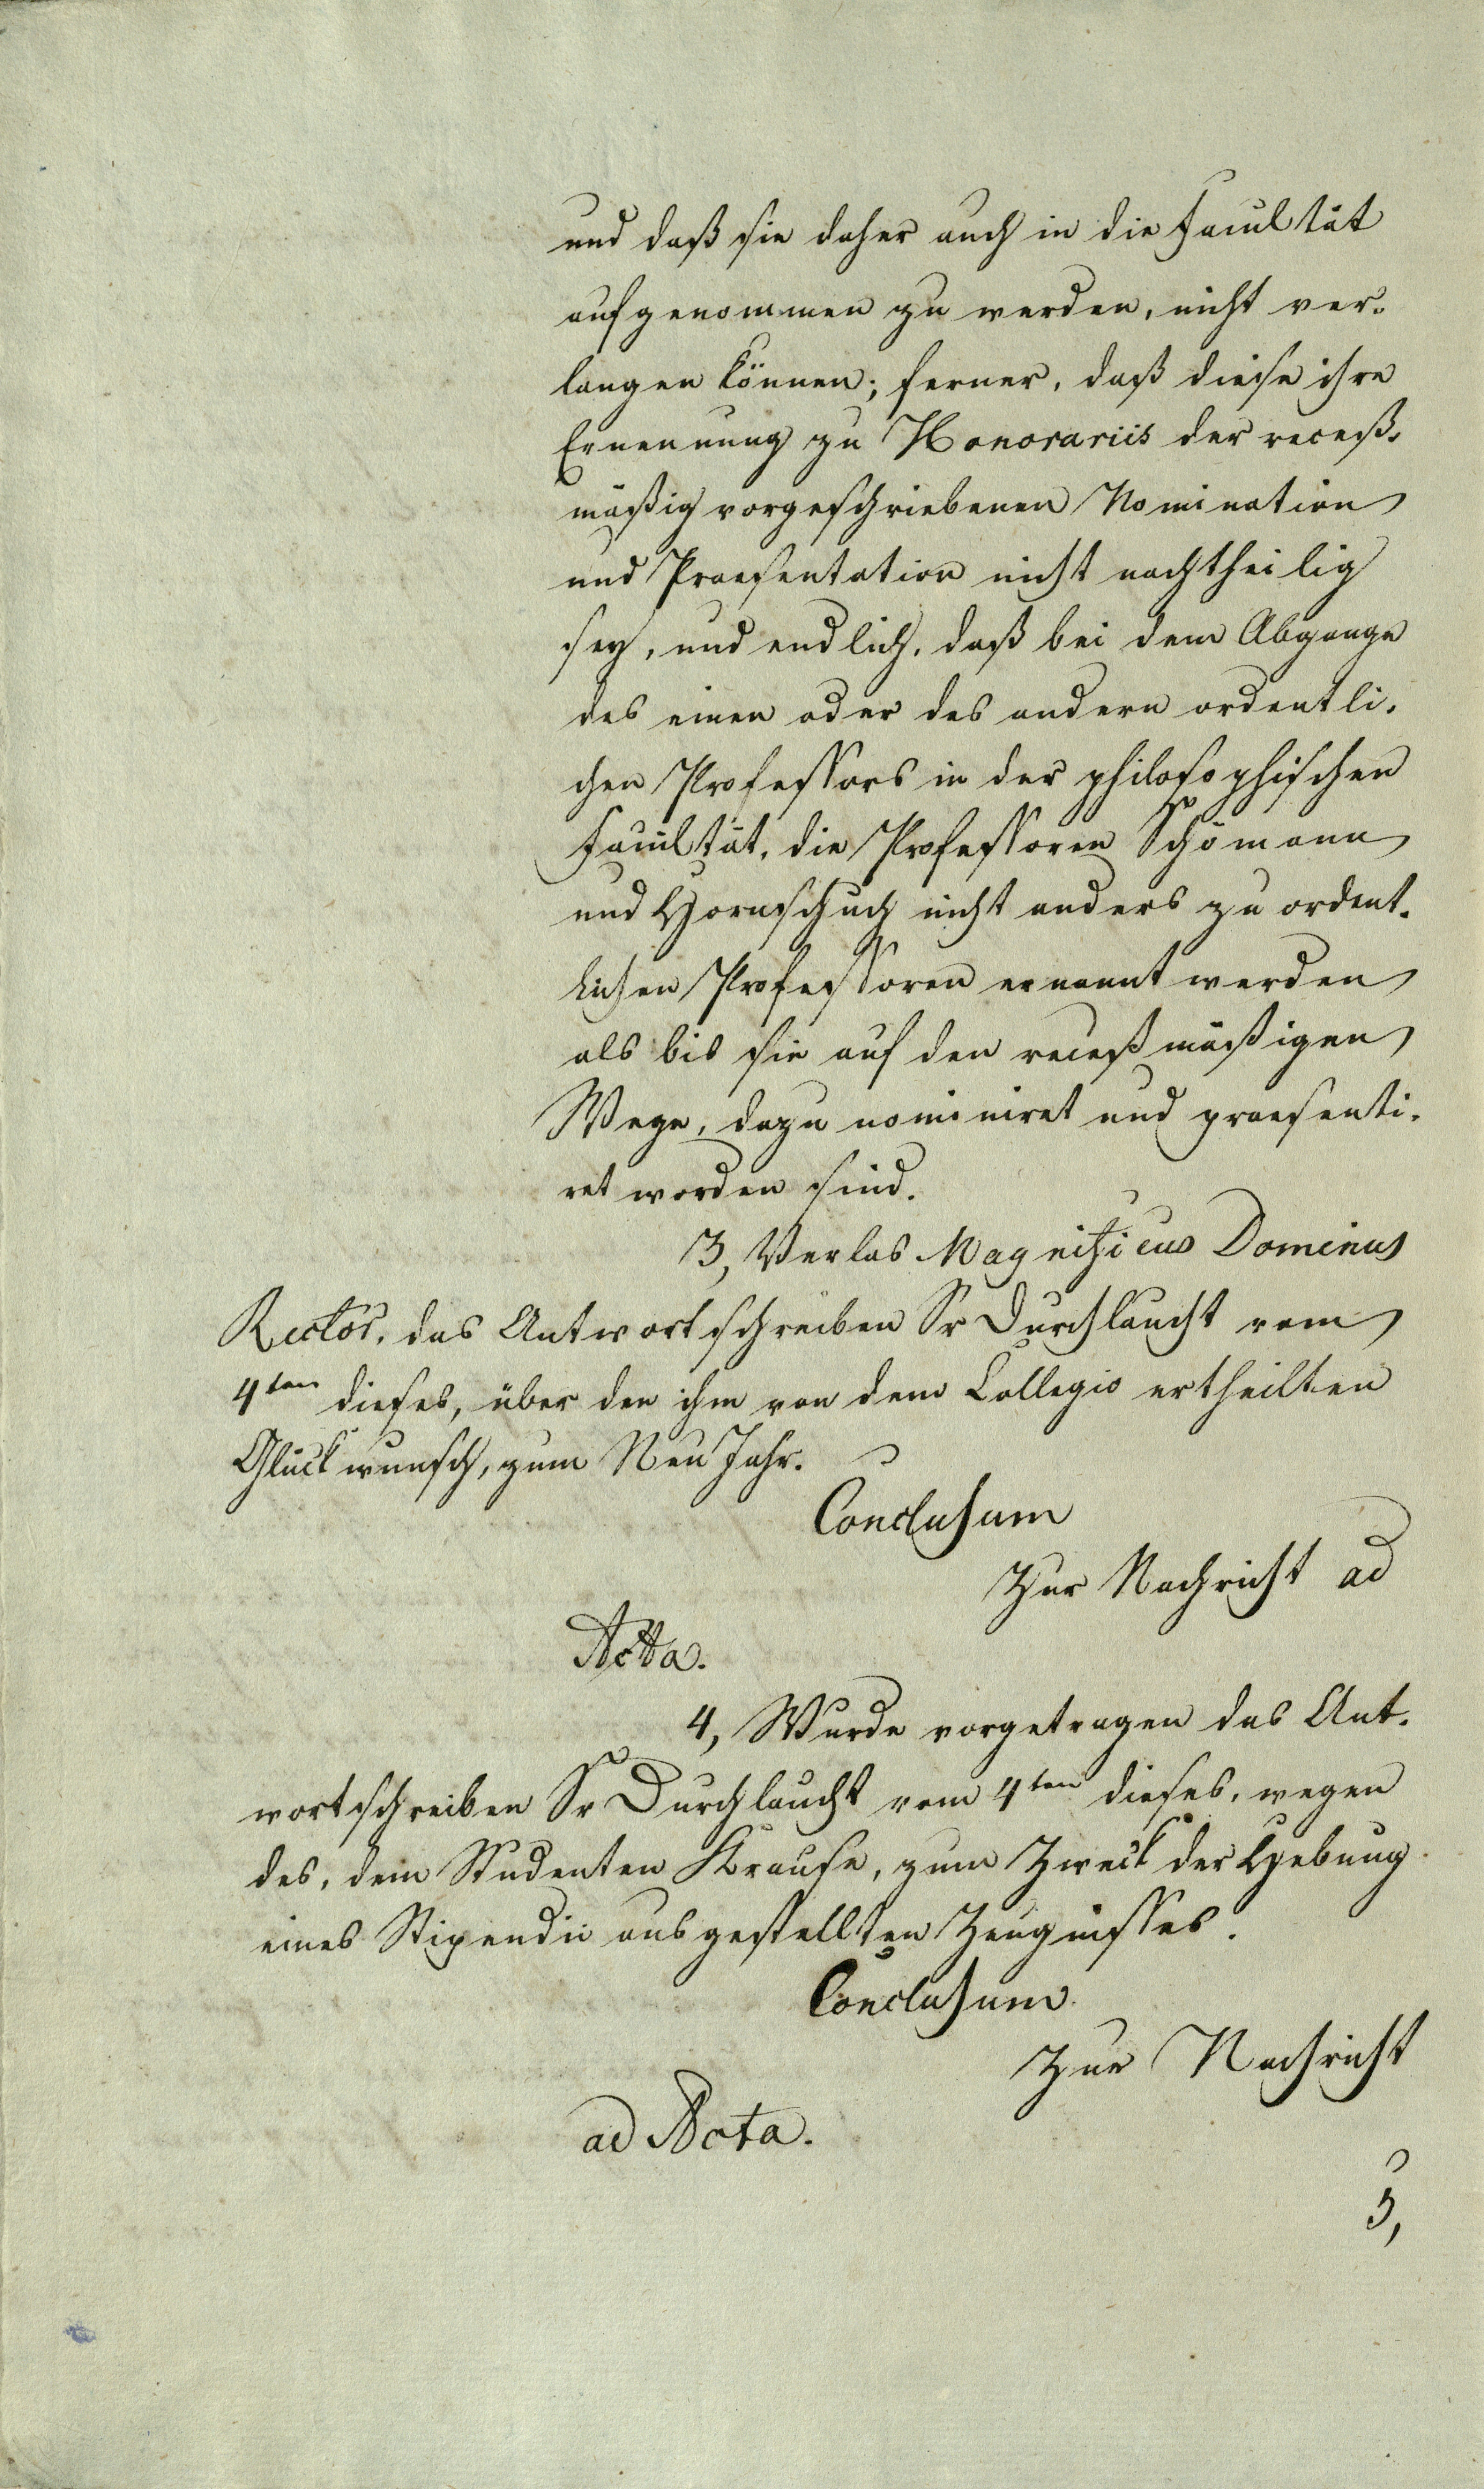und daß sie daher auch in die Facultät
aufgenommen zu werden nicht, ver¬
langen können; ferner, daß diese ihre
Ernennung zu Honorariis der receß¬
mäßig vorgeschriebenen Nomination
und Praesentation nicht nachtheilig
sey, und endlich, daß bei dem Abgange
des einen oder des andern ordentli¬
chen Professors in der philosophischen
Facultät, die Professoren Schömann
und Hornschuch nicht anders zu ordent¬
lichen Professoren ernannt werden
als bis sie auf den receßmäßigen
Wege, dazu nominiret und praesenti¬
ret worden sind.
3, Verlas Magnificus Dominus
Rector, das Antwortschreiben Sr Durchlaucht vom
4ten dieses, über den ihm von dem Collegio ertheilten
Glückwunsch, zum Neu Jahr.
Conclusum
Zur Nachricht ad
Acta.
4, Wurde vorgetragen das Ant¬
wortschreiben Sr Durchlaucht vom 4ten dieses, wegen
des, dem Studenten Krause, zum Zweck der Hebung
eines Stipendii ausgestellten Zeugnisses.
Conclusum
Zur nachricht
ad Acta. 5,